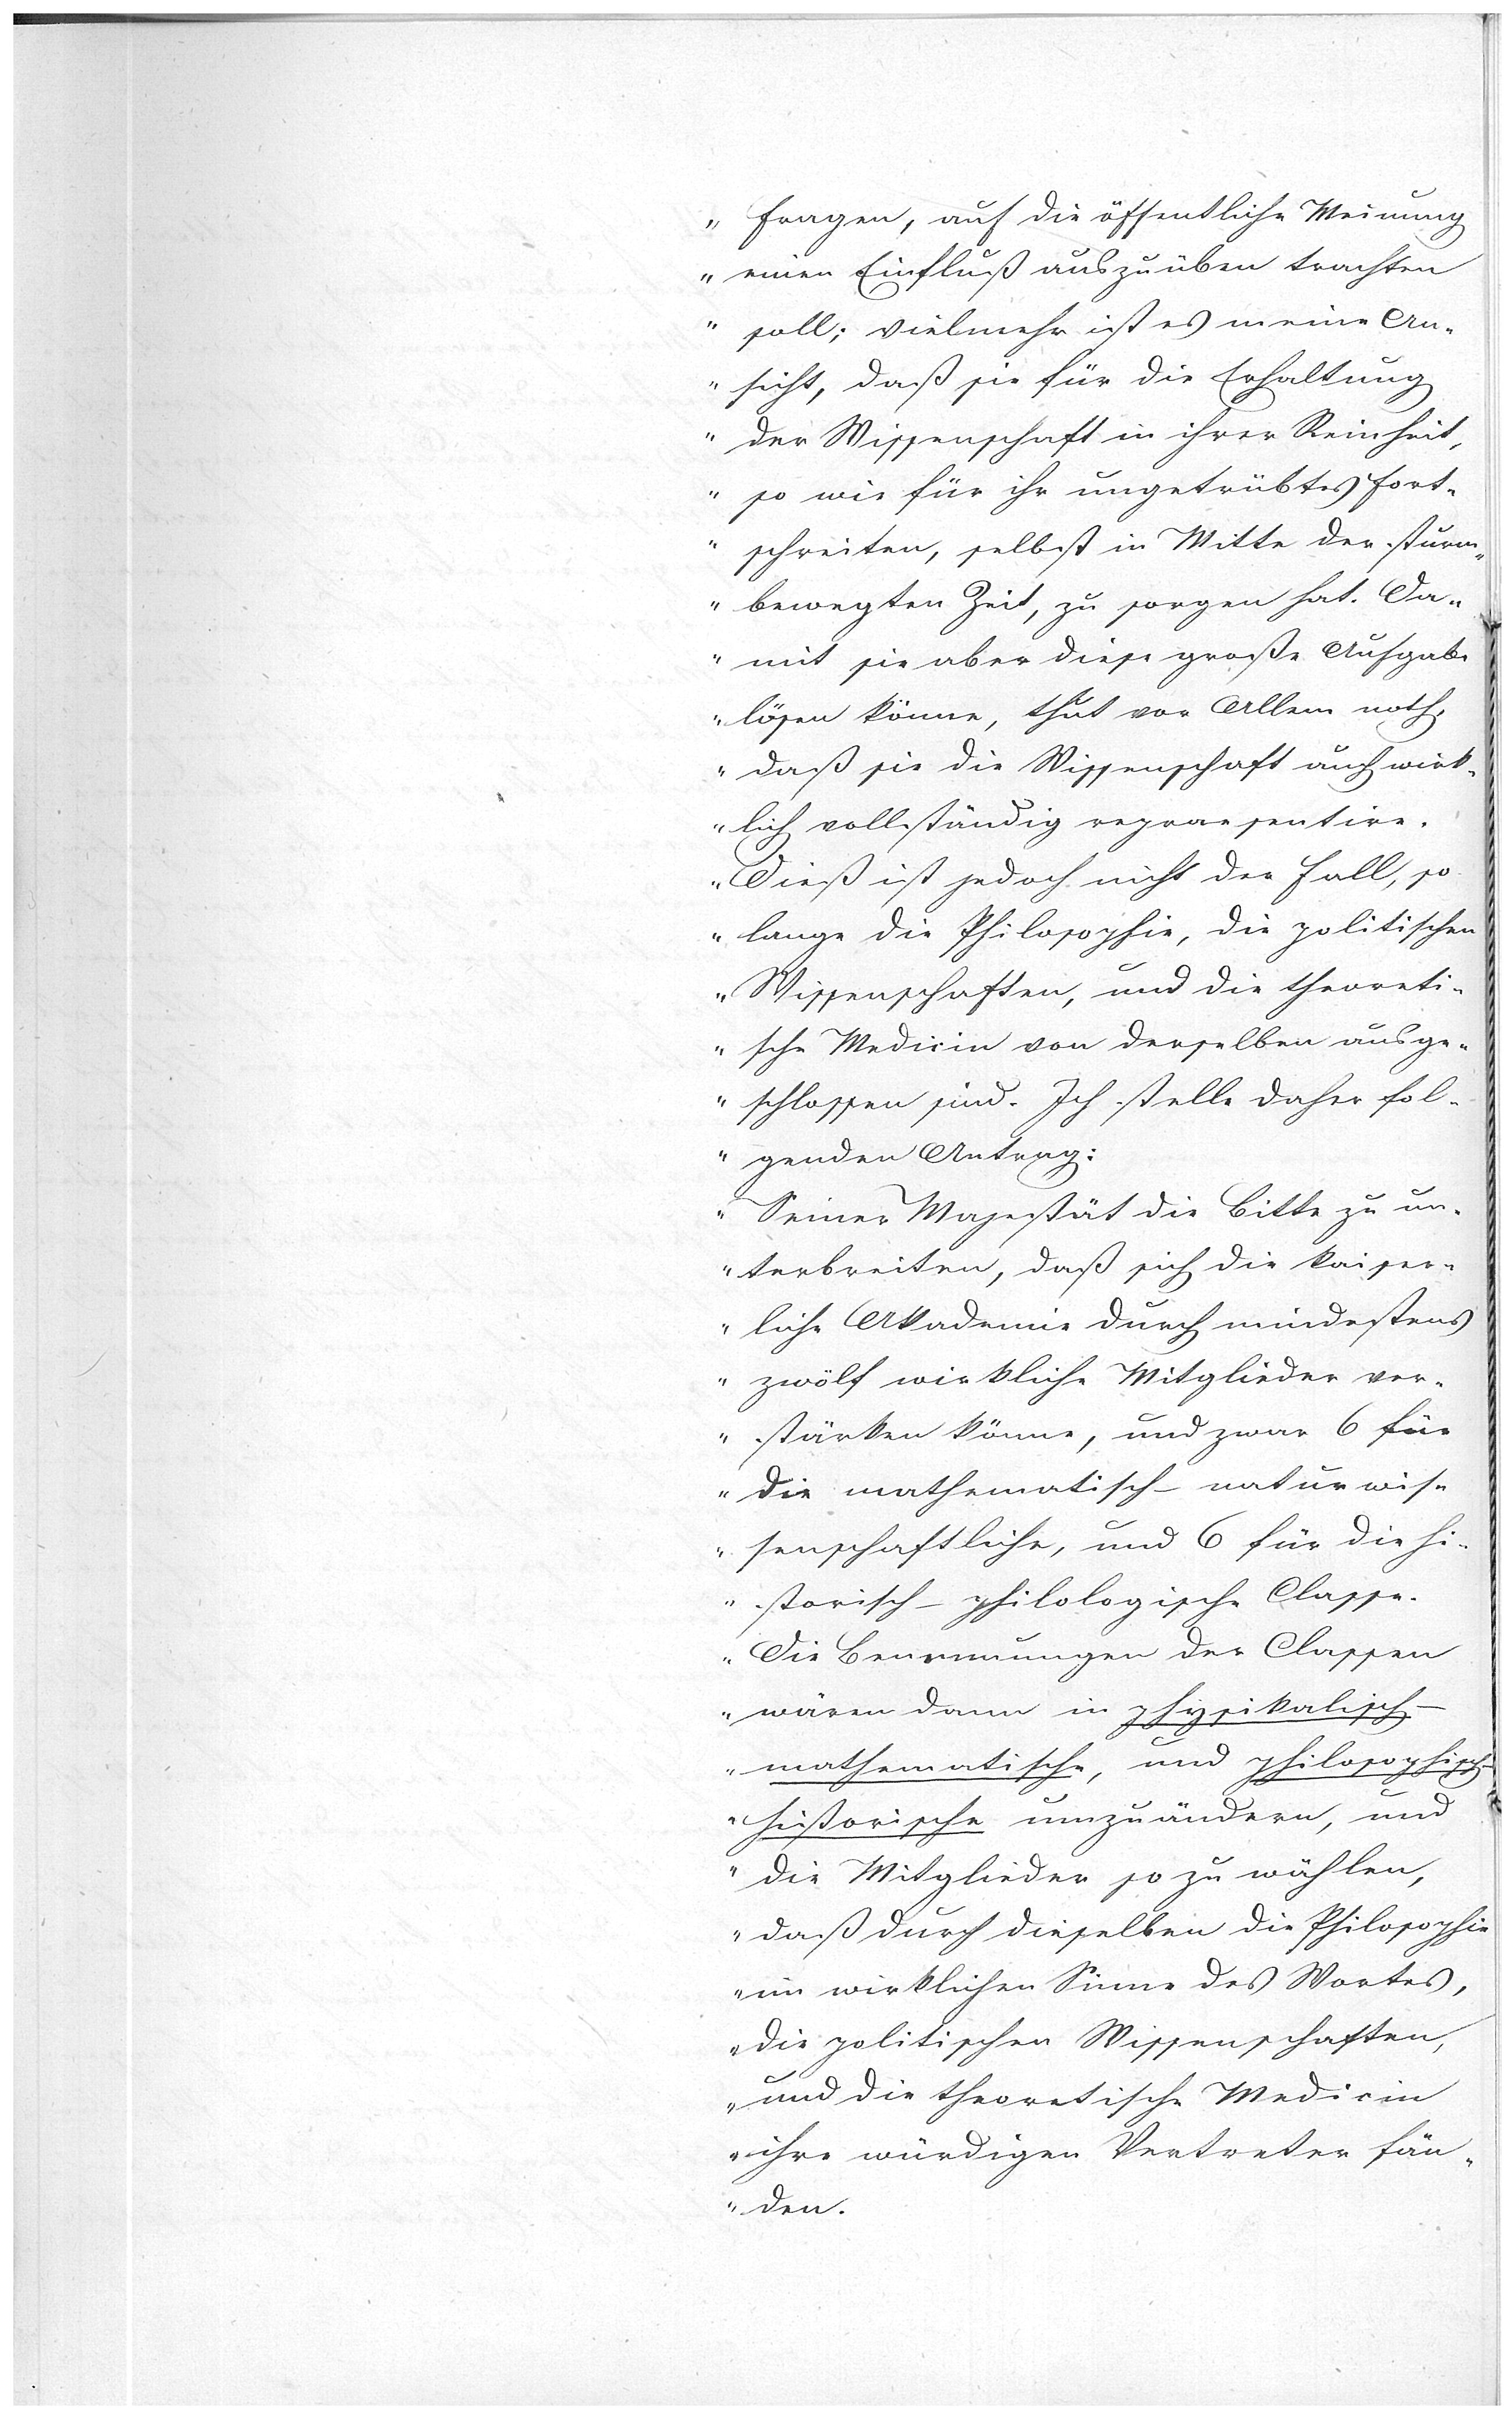" fragen, auf die öffentliche Meinung
" einen Einfluß auszuüben trachten
" soll; Vielmehr ist es meine An-
" sicht, daß sie für die Erhaltung
" der Wissenschaft in ihrer Reinheit
" so wie für ihr ungetrübtes Fort-
" schreiten, selbst in Mittel der sturm-
" bewegten Zeit, zu sorgen hat. Da-
" mit sie aber diese große Aufgabe
" lösen könne, thut vor allein noth,
" daß sie die Wissenschaft auf wirk-
" lich vollständig eigene repraesentire.
" Dieß ist jedoch nicht der Fall, so
" lange die Philosophie, die politischen
" Wissenschaften, und die theoreti-
" sche Medicin von derselben ausge-
" schlossen sind. Ich stelle daher fol-
" genden Antrag:
" Seiner Majestät die Bitte zu un-
" terbreiten, daß sich die kaiser-
" liche Akademie durch mindestens
" zwölf wirklichen Mitglieder ver-
" stärken könne, und zwar 6 für
" die mathematisch-naturwis-
" senschaftliche, und 6 für die hi-
" storisch-philologischen Classe.
" Die Benennungen der Classen
" wären dann in physikalisch-
" mathematische- und philosophisch-
" historische unzuändern, und
" die Mitglieder so zu wählen,
" daß durch dieselben die Philosophie
" im wirklichen Sinne des Worte,
" die politischen Wissenschaften,
" und die theoretische Medicin
" ihre würdigen Vertreter fän-
" den.